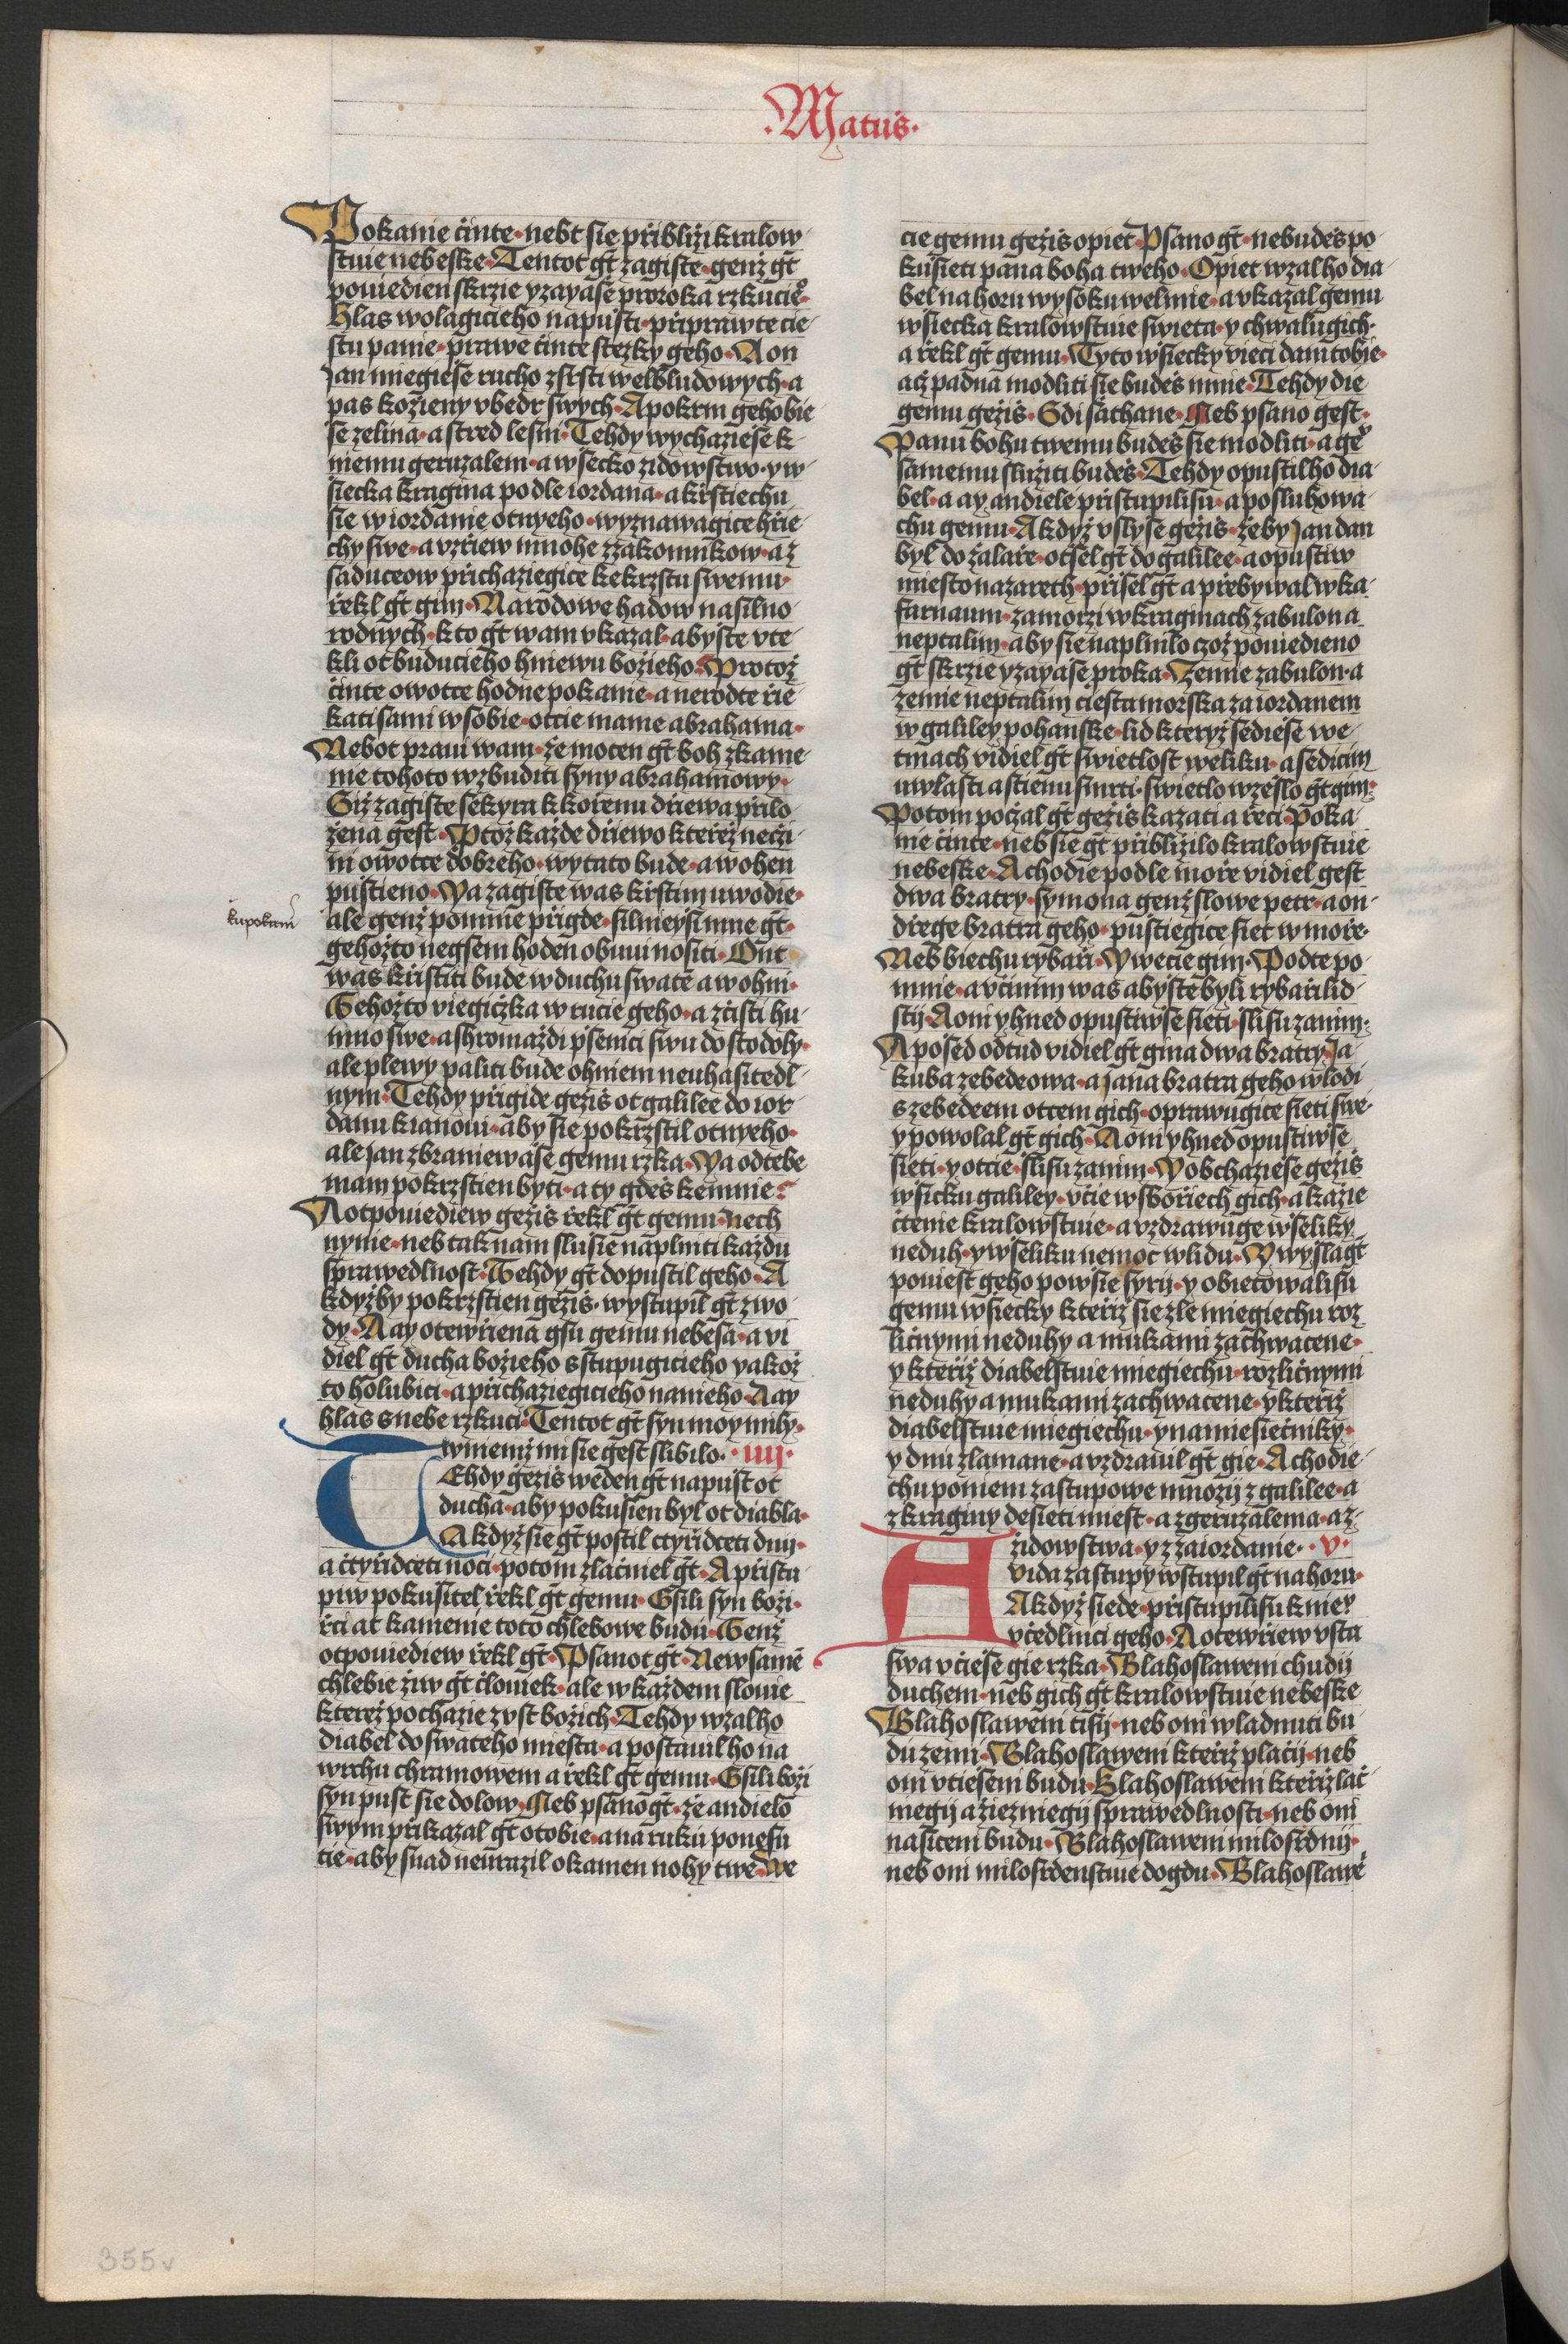.Matuṡ.
Pokaníe ċinte.nebt ſie pṙibliżí kralow¬
ſtuíe nebeſke.Tento ḡt zagiſte.genż ḡt
pouíedien ſkrzie yzayaẛe proroka rzkucieo.
Hlas wolagicieho napuẛti.pṙiprawte cie¬
ſtu panie.prawe ċinte ſtezky geho.A on
Ian miegeẛe rucho zſrſti welbludowych.a
pas kożieny vbedr ſwych.Apokrm geho bíe¬
ẛe zelína.aſtred leſní.Tehdy wychazieẛe k
niemu geruzalem.a wẛecko zidowſtwo.y w¬
ẛiecka kragina podle iordana.a kṙſtiechu
ſie w iordanie otnyeho.wyznawagice hṙie¬
chy ſwe.a vzṙiew mnohe zzakonníkow.a z
ſaduceow pṙichaziegice kekrzſtu ſwemu.
ṙekl ḡt gim.Narodowe hadow naſilno¬
rodnych.kto ḡt wam vkazal.abyẛte vte¬
kli ot buducieho hniewu božíeho.Protož¬
ċinte owotce hodne pokaníe.a rerodte ṙie¬
kati ſami w ſobie.otcie mame abrahama.
Nebot praui wam.że mocen ḡt boh zkame¬
níe tohoto wzbuditi ſyny abrahamowy.
Giż zagiſte ſekyra k koṙenu dṙiewa pṙilo¬
żena geſt.Ꝓtoż każde dṙiewo kteṙeż necżi¬
ní owotce dobreho.wytato bude.a wohen
puẛtíeno.Ya zagiſte was kṙſtím uwodie.
ale genż pomnie pṙigde.ſílnieyẛí mne ḡt.
gehożto negſem hoden obuui noſiti.Ont
was kṙíſtiti bude wduchu ſwatē a wohni.
Gehożto viegícżka w rucie geho.a zċiſtí hu¬
mno ſwe.a ſhromażdí pſenici ſwu doſtodoly.
ale plewy paliti bude ohníem neuhaſitedl¬
nym.Tehdy pṙigide geżiṡ ot galilee do ior¬
danu kianoui.aby ſie pokrzſtil otnyeho.
ale Ian zbraniewaẛe gemu rzka.Ya odtebe¬
mam pokrzſtien byti.a ty gdeṡ kemnie?
A otpouiediew geżiṡ ṙekl ḡt gemu.Nech
nynie.neb tak nam ſluẛie naplniti każdu
ſprawedlnoſt.Tehdy ḡt dopuſtil geho.A
kdyżby pokrzſtien geżiṡ.wyſtupil ḡt zwo¬
dy.A ay otewṙíena gſu gemu nebeſa.a vi¬
diel ḡt ducha bożieho sſtupugicieho yakoż¬
to holubici.a prichaziegicieho nanieho.A ay
hlas snebe rzkuci.Tentot ḡt ſyn moy mily.
wniemż mi ſie geſt ſlibilo.iiij.
Ehdy geziṡ weden ḡt napuẛt ot
ducha.aby pokuẛien byl ot diabla.
A kdyż ſie ḡt poſtil ctyṙidceti dnij.
a ċtyṙidceti noci.potom zlaċniel ḡt.A pṙiſtu¬
piv pokuẛitel ṙekl ḡt gemu. Gſili ſyn bożi.
ṙci at kameníe toty chlebowe budú.Genż
otpouiedíew ṙekl ḡt.Pſanot ḡt.Newſamē
chlebie żiw ḡt ċlowiek.ale wkażdem ſlouie
ktereż pochazie zvſt bożich.Tehdy wzalho
diabel do ſwateho mieſta.a poſtauilho na
wrchu chramowem a ṙekl ḡt gemu.Gſili bożí
ſyn puſt ſie dolow.Neb pſano ḡt.że andielō
ſwym pṙikazal ḡt otobie.a na rukú poneſu
tie.aby ſnad neurazíl okamen nohy twe.We¬
cie gemu geżiṡ opiet.Pſano ḡt.nebudeṡ po¬
kuẛieti pana boha tweho.Opiet wzal ho dia¬
bel na horu wyſoku welmie.a vkazal gemu
wẛiecka kralowſtuie ſwieta.y chwalu jich.
a ṙekl ḡt gemu.Tyto wẛiecky vieci dam tobie.
acż padna modliti ſie budeṡ mie.Tehdy die
gemu geżiṡ.Gdi ẛathane.Neb pſano geſt¬
Panu bohu twemu budeṡ ſie modliti a ḡev
ſamemu ſlużiti budeṡ.Tehdy opuſtil ho dia¬
bel.a ay andielé pṙiſtupili ſu.a poſluhowa¬
chu gemu.A kdyż vſlyẛe geżiṡ.żeby Ian dan
byl do żalaṙe.otẛel ḡt do galilee.a opuſtiw
mieſto nazereth.pṙiẛel ḡt a pṙebywal wka¬
farnaum.zamorzí wkraginach zabulona
neptalim.aby ſie naplnilo czoż pouiedieno
ḡt ſkrzie yzayaẛe proka.Zemie zabulon.a
zemie neptalim cieſta morſka za iordanen
w galiley pohanſke.lid kteryż ſedieẛe we
tmách vidiel ḡt ſwietloſt weliku.a ſedícím
uwlaſti a ſtienu ſmrti.ſwietlo wzeẛlo ḡt gim.
Potom pocżal ḡt geżiš kazati a ṙeci.Poka¬
níe ċinte.neb ſie ḡt pṙibliżilo kralowſtuie
nebeſke.A chodie podle moṙe uidiel geſt
dwa bratry.ſymona genż ſlowe petr.a on¬
dṙege bratra geho.puẛtiegíce ſiet w moṙe.
Neb biechu rybaṙi.Y wecie gím.Podte po¬
mnie.a vċíním was abyẛte byli rybaṙi lid¬
ſtij.Aoni yhned opuſtiwẛe ſieti.ẛli ſu zanim.
A poẛed odtud uidiel ḡt gina dwa bratry.Ia¬
kuba zebedeowa.a Iana bratra geho wlodí
s zebedeem otcem gich.oprawugíce ſieti ſwe
y powolal ḡt gich.A oni ihned opuſtiwẛe
ſieti.y otcie.ẛli ſu zanim.Yobchazieẛe geżiṡ
wẛicku galiley.vċie w ſboṙiech gich.a każie
ċtenie kralowoſtuíe.a vzdrawuge wẛeliky
neduh.ywẛeliku nemoc wlidu.Y wyẛla ḡt
pouieſt geho powẛíe ſyrij.y obietowali ſu
gemu wẛiecky kteṙiż ſie zle miegíechu roz¬
liċnymi neduhy a mukami zachwacene.
kteṙíż diabelſtuie miegíechu.rozliċnymi
neduhy a mukami zachwacene.ykteṙiż
diabelſtuie miegiechu.ynamieſieċníky.
y dnú zlamane.a vzdrauil ḡt gie.A chodie¬
chu poniem zaſtupowe mnozij z galilee.a¬
zkraginy deſieti mieſt.a zgeruzalema.a z¬
żidowſtwa.y z zaiordaníe.v.
vida zaſtupy wſtupil ḡt nahoru.
Akdyż ſiede.pṙiſtupili ſu k kniev
vċedlníci geho.A otewṙiew vſta¬
ſwa vċieẛe gie rzka.Blahoſlawení chudij
duchem.neb gich ḡt kralowſtuíe nebeſke
Blahoſlaweni tiẛij.neb oni wladnuti bu¬
du zemi.Blahoſlawení kteṙi plaċij.neb
oni vtieẛeni budu.Blahoſlaweni ktreṙiż laċ¬
niegij a żiezniegij ſprawedlnoſti.neb oni
naſiceni budu.Blahoſlaweni miloſrdnij.
neb oni miloſrdenſtuie dogdu.Blahoſlawe¬